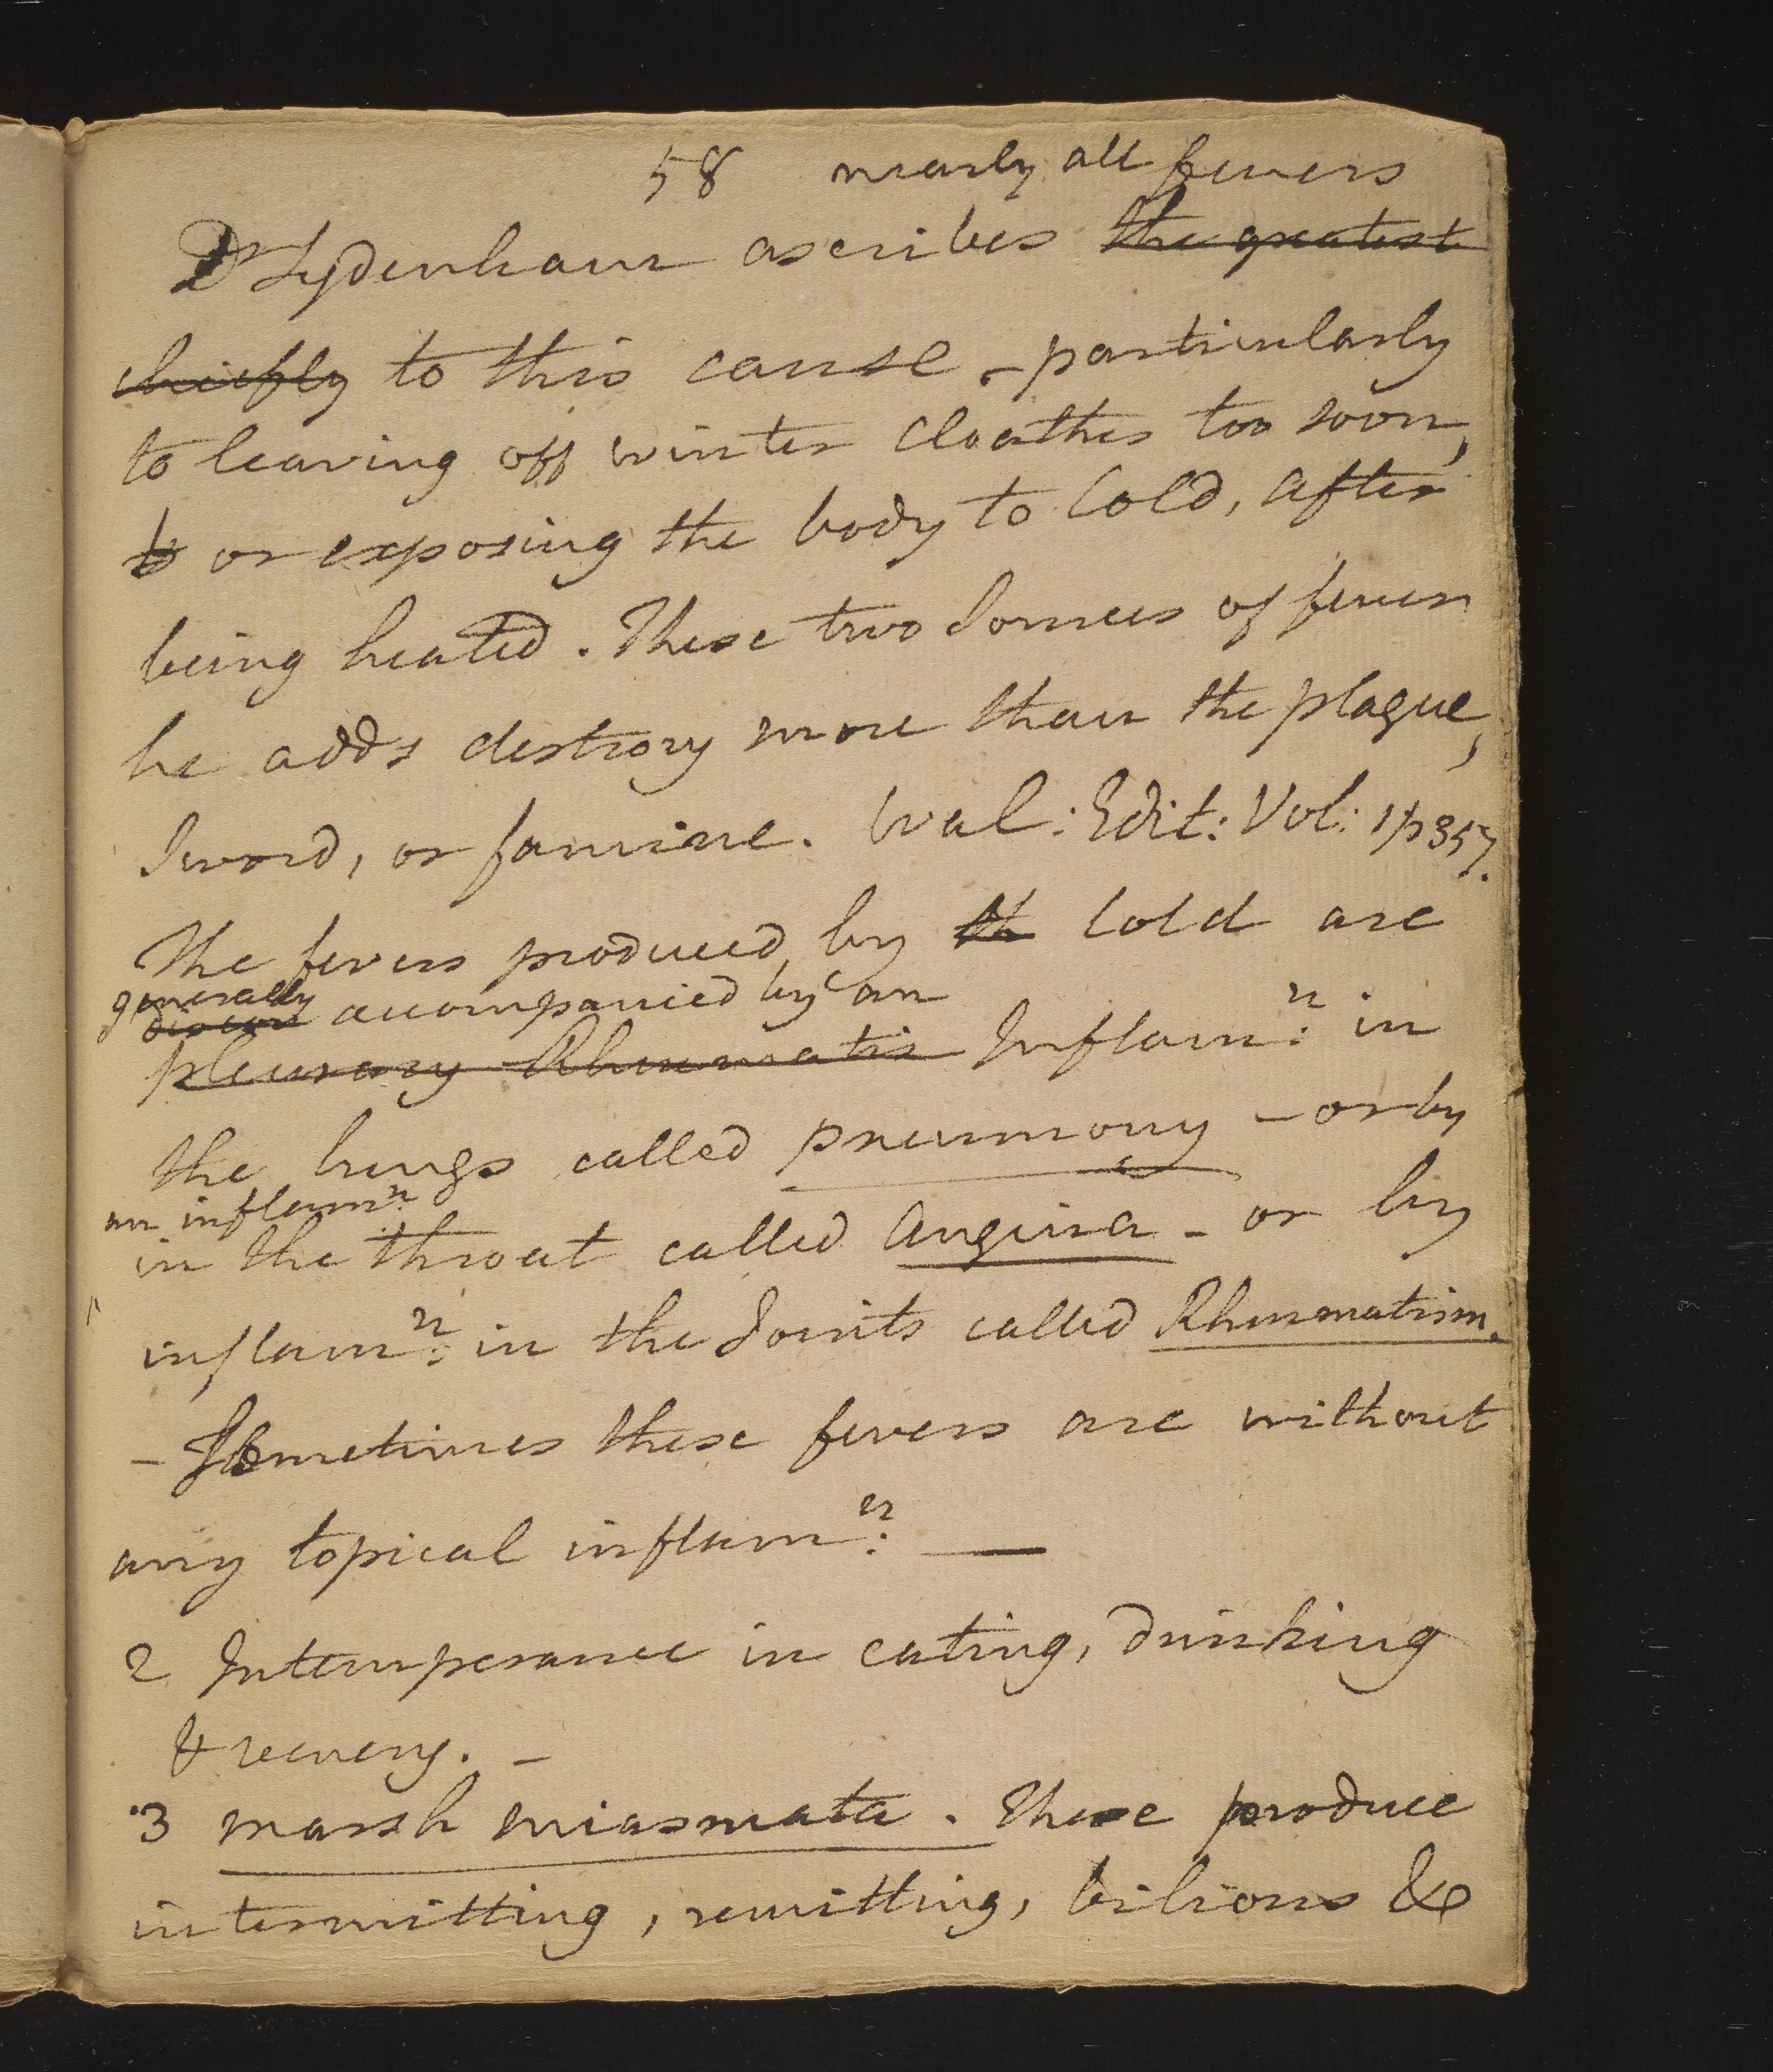58
nearly all fevers
D^r Sydenham ascribes [the greatest]
[chiefly] to this cause- particulary
to leaving off winter cloathes too soon,
[to] or exposing the body to cold, after
being heated. These two sources of fever
he adds destroy more than the plague,
sword, or famine. Wal: Edit: Vol. 1 p. 397
The fevers produced by [th-] cold are
generally
[diseases] accompanied by an
[pleusary Rheumatis] Inflam^n: in
the lungs called pneumony- or by
an inflam^n
in the throat called Angina- or by
inflam^n: in the Joints called Rheumatism
- Sometimes these fevers are without
any topical inflam^n:
2 Intemperance in eating, drinking
& venery.-
3 Marsh miasmata. Those produce
intermitting, remitting, bilious &